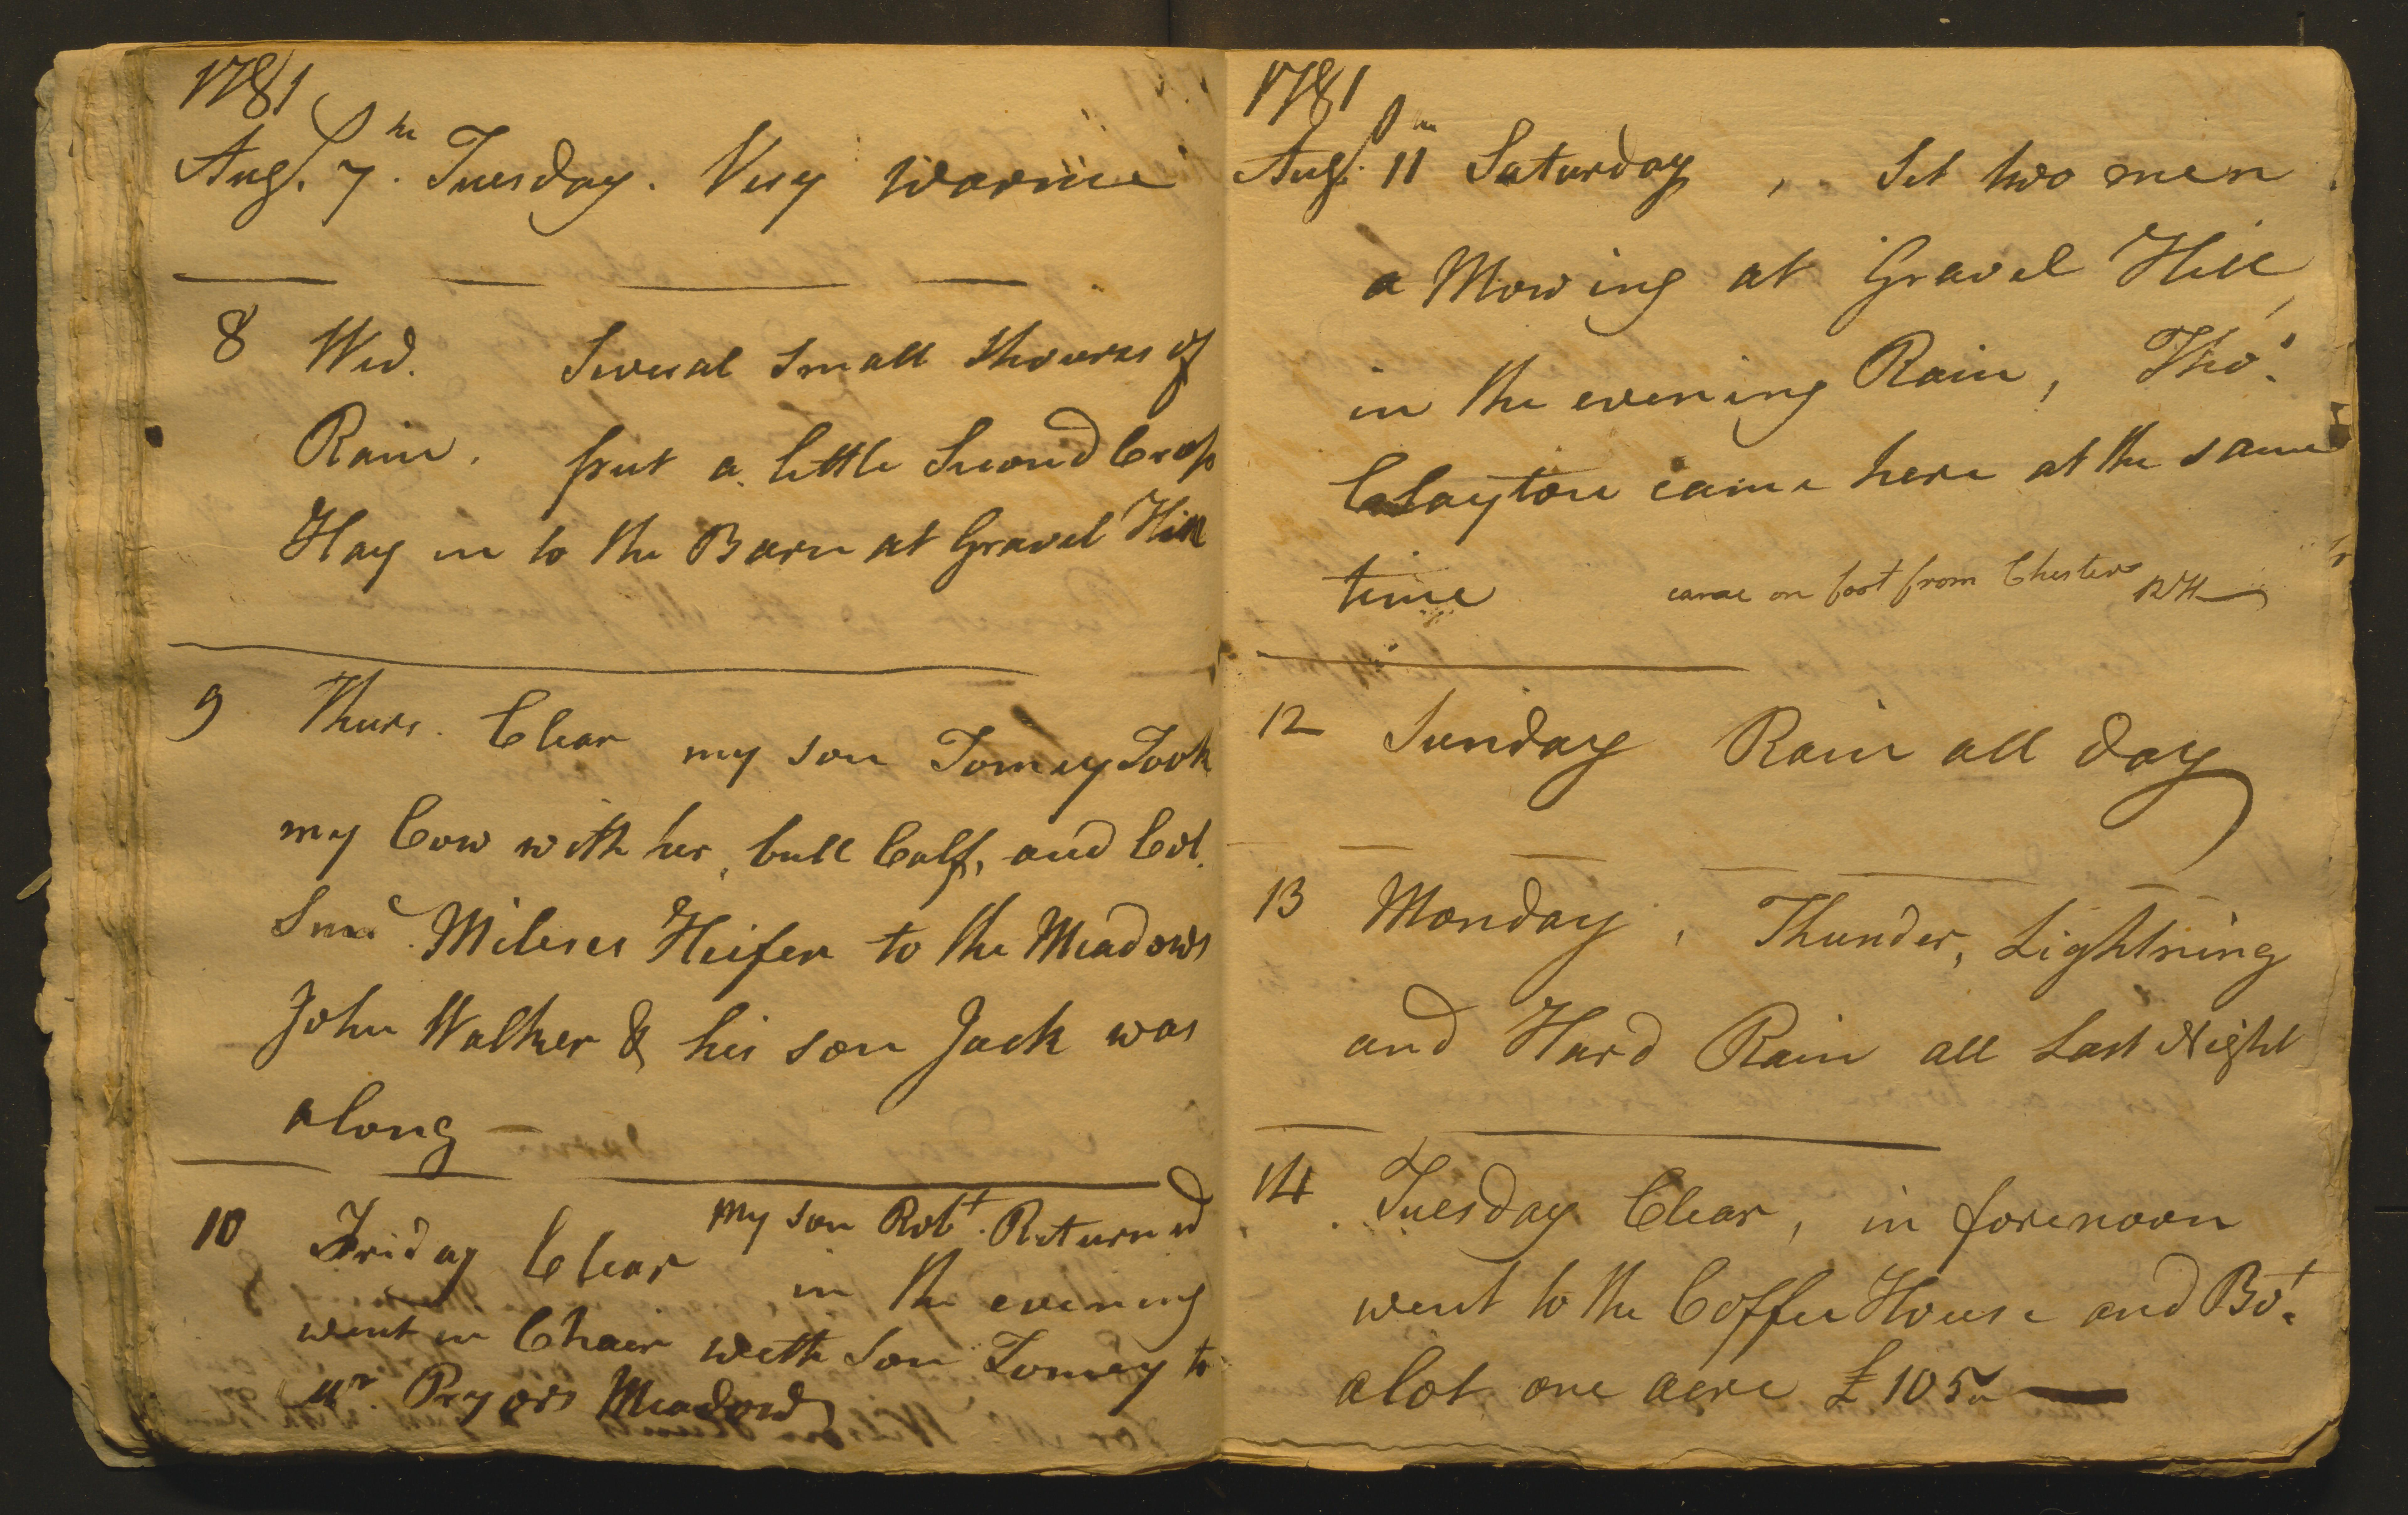1781
Aug^t. 7^th. Tuesday. Very warme
8 Wed. Several small Shoures of
Rain. put a little Second Crop
Hay in to the Barn at Gravel Hill
9 Thurs. Clear my son Tomey Took
my Cow with her bull Calf, and Col
Sm Mileses Heifer to the Meadows
John Walker & his son Jack was
along-
my son Rob^t. Returned
10 Friday Clear in the evening
went in Chair with son Tomey to
M^r. Pryors Meadow
1781
Aug^t. 11^th Saturday, Set two men
a Mowing at Gravel Hell
in the evening Rain, Tho^s.
Clayton came here at the same
time
camr on boot from Chester RH-
12 Sunday Rain all day
13 Monday. Thunder, Lightning
and Hard Rain all Last Night
14 Tuesday. Clear, in forenoon
went to the Coffec House and Bo^t.
a lot one acre £105-